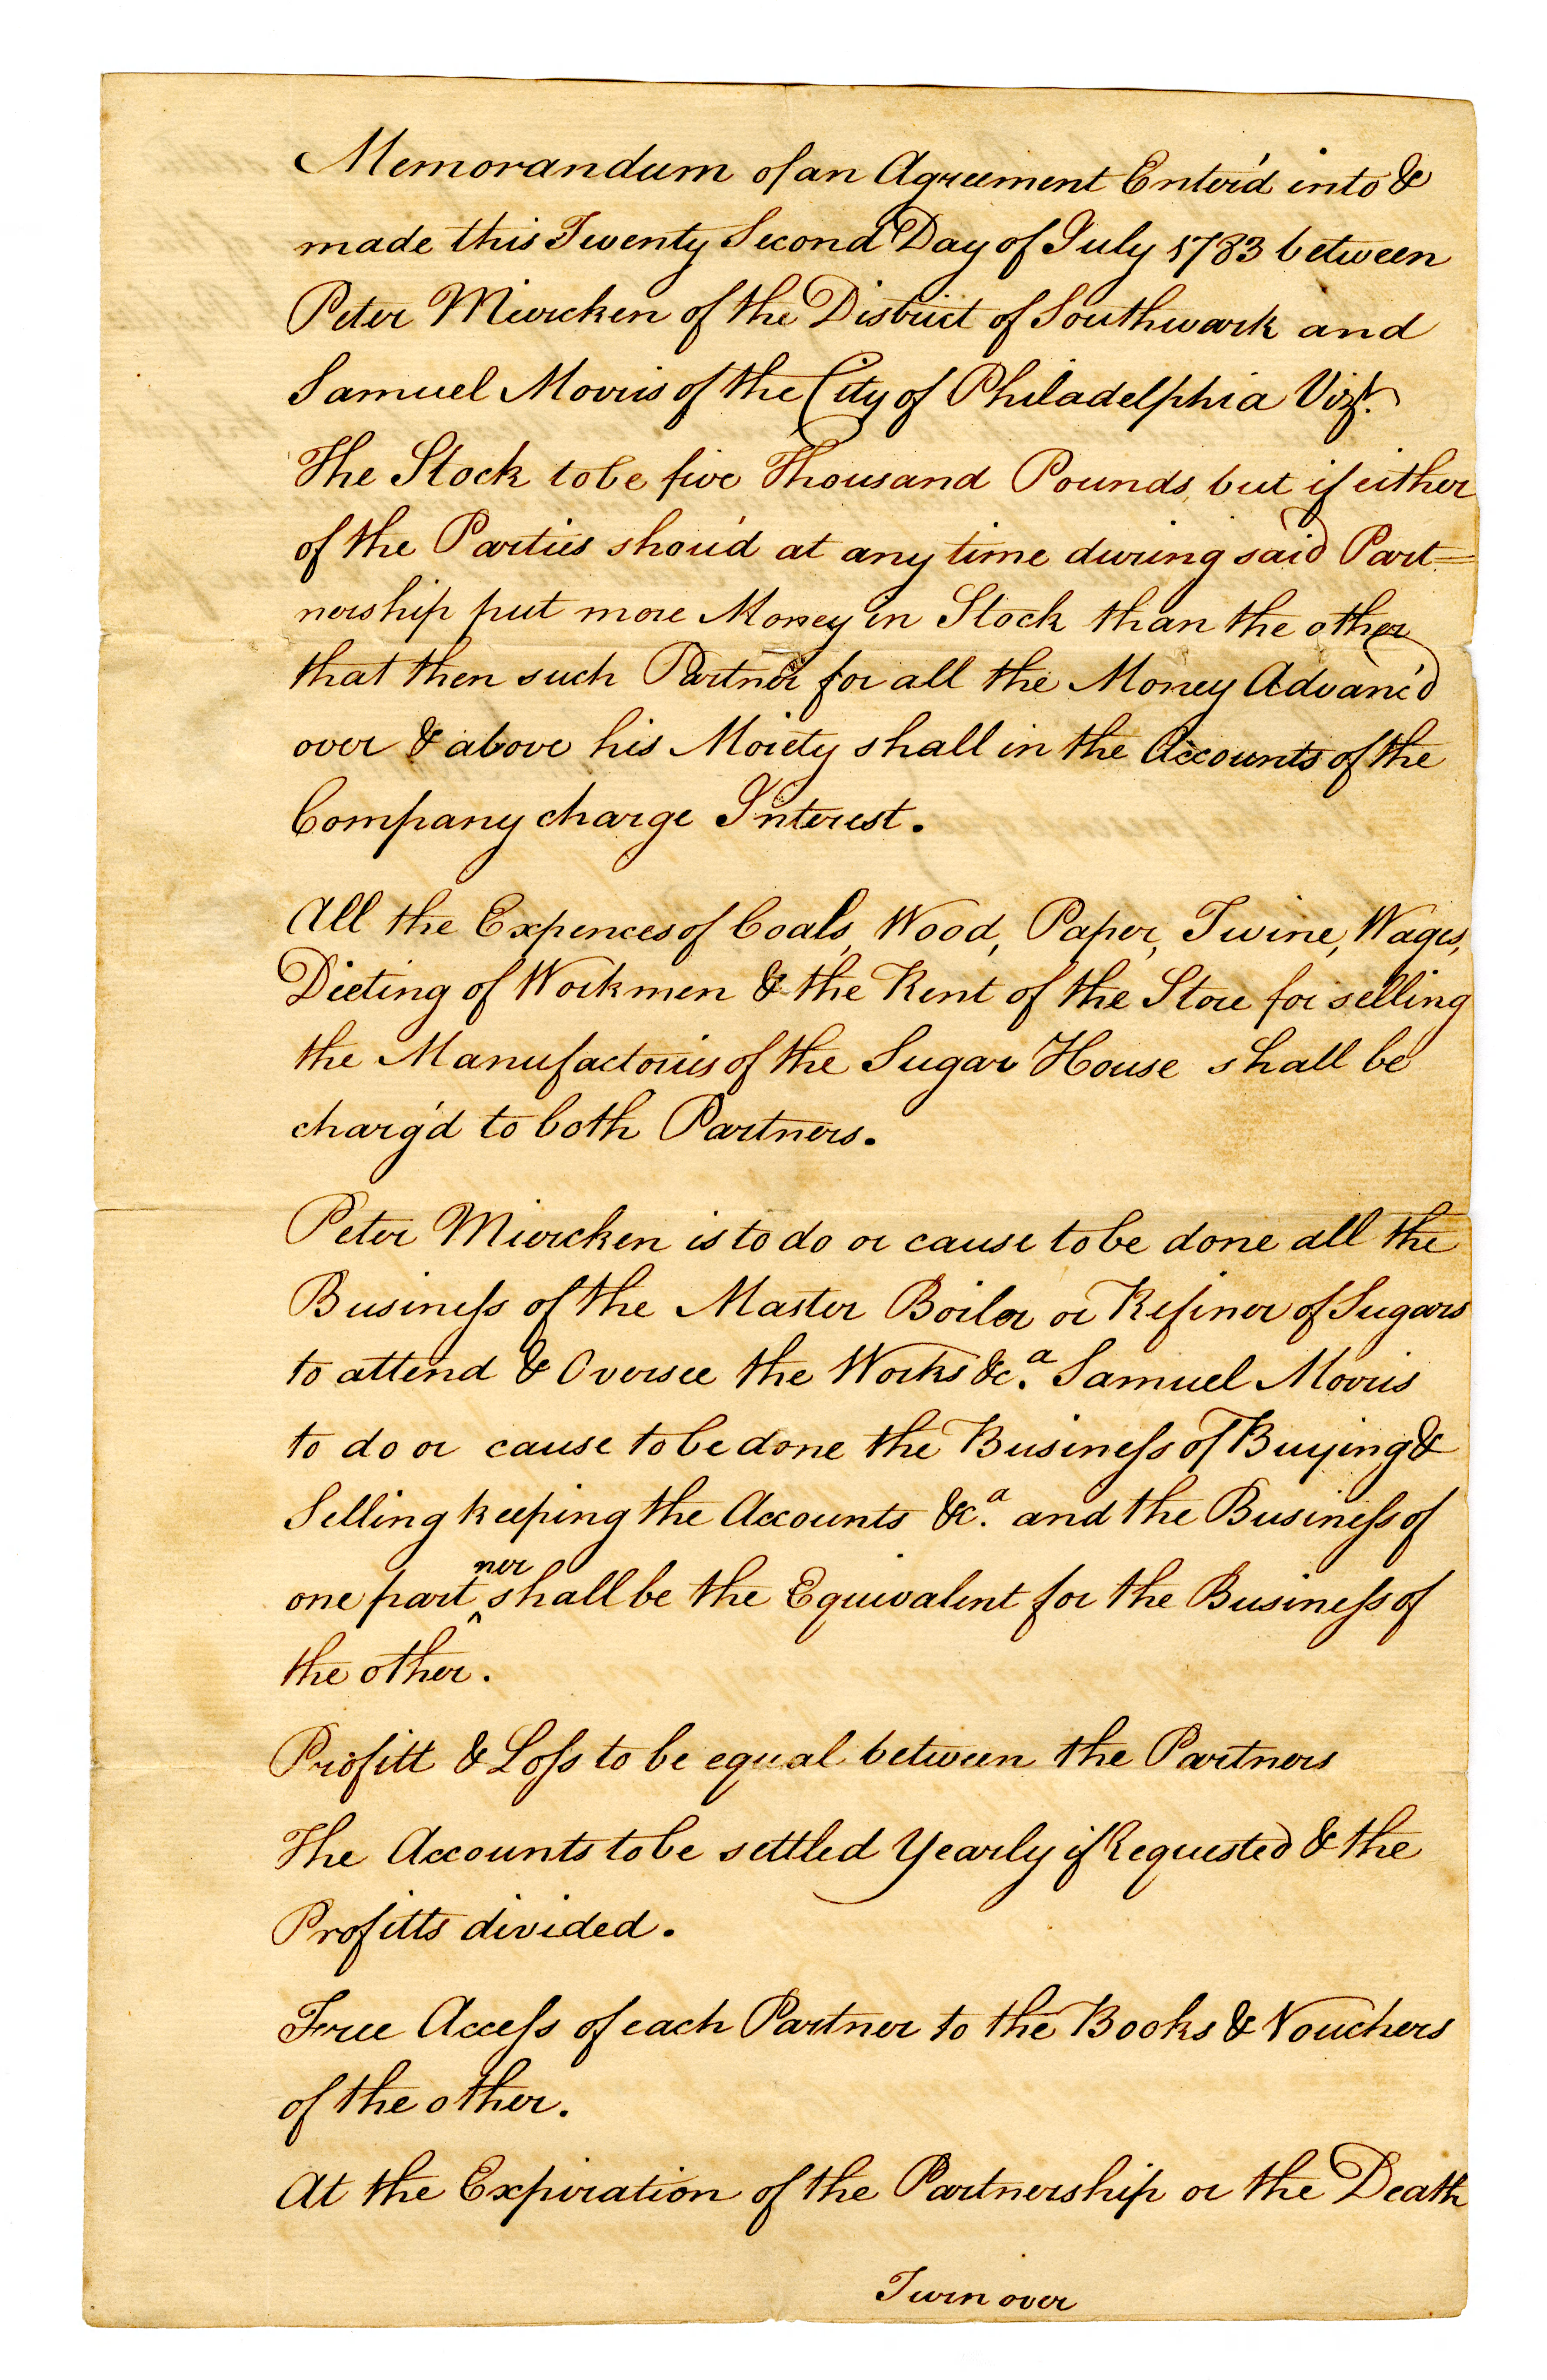Memorandum of an agreement Enter'd into &
made this Twenty Second Day of July 1783 between
Peter Miercken of the District of Southwark and
Samuel Morris of the City of Philadelphia Viz^t.
The Stock to be five Thousand Pounds but if either
the Parties shou'd at any time during said Part-
nership put more Money in Stock than the other
that then such Partner for all the Money Adavnc'd
over & above his Moiety shall in the Accounts of the
Company charge Interest.
All the Expences of Coals, Wood, Paper, Twine, Wages,
Dieting of Workmen & the Rent of the Store for selling
The Manufactories of the Sugar House shall be
charg’d to both Partners.
Peter Miercken is to do or cause to be done all the
Business of the Master Boiler or Refiner of Sugars
to attend & oversee the Works &c^a. Samuel Morris
to do or cause to be done the Business of Buying &
Selling keeping the accounts &c^a. and the Business of
ner
one part^ shall be the Equivalent for the Business of
the other.
Profitt & Loss to be equal between the Partners
The accounts to be settled yearly if Requested & the
Profitts divided.
Free access of each Partner to the Books & Vouchers
of the other.
At the Expiration of the Partnership or the Death
Turn over